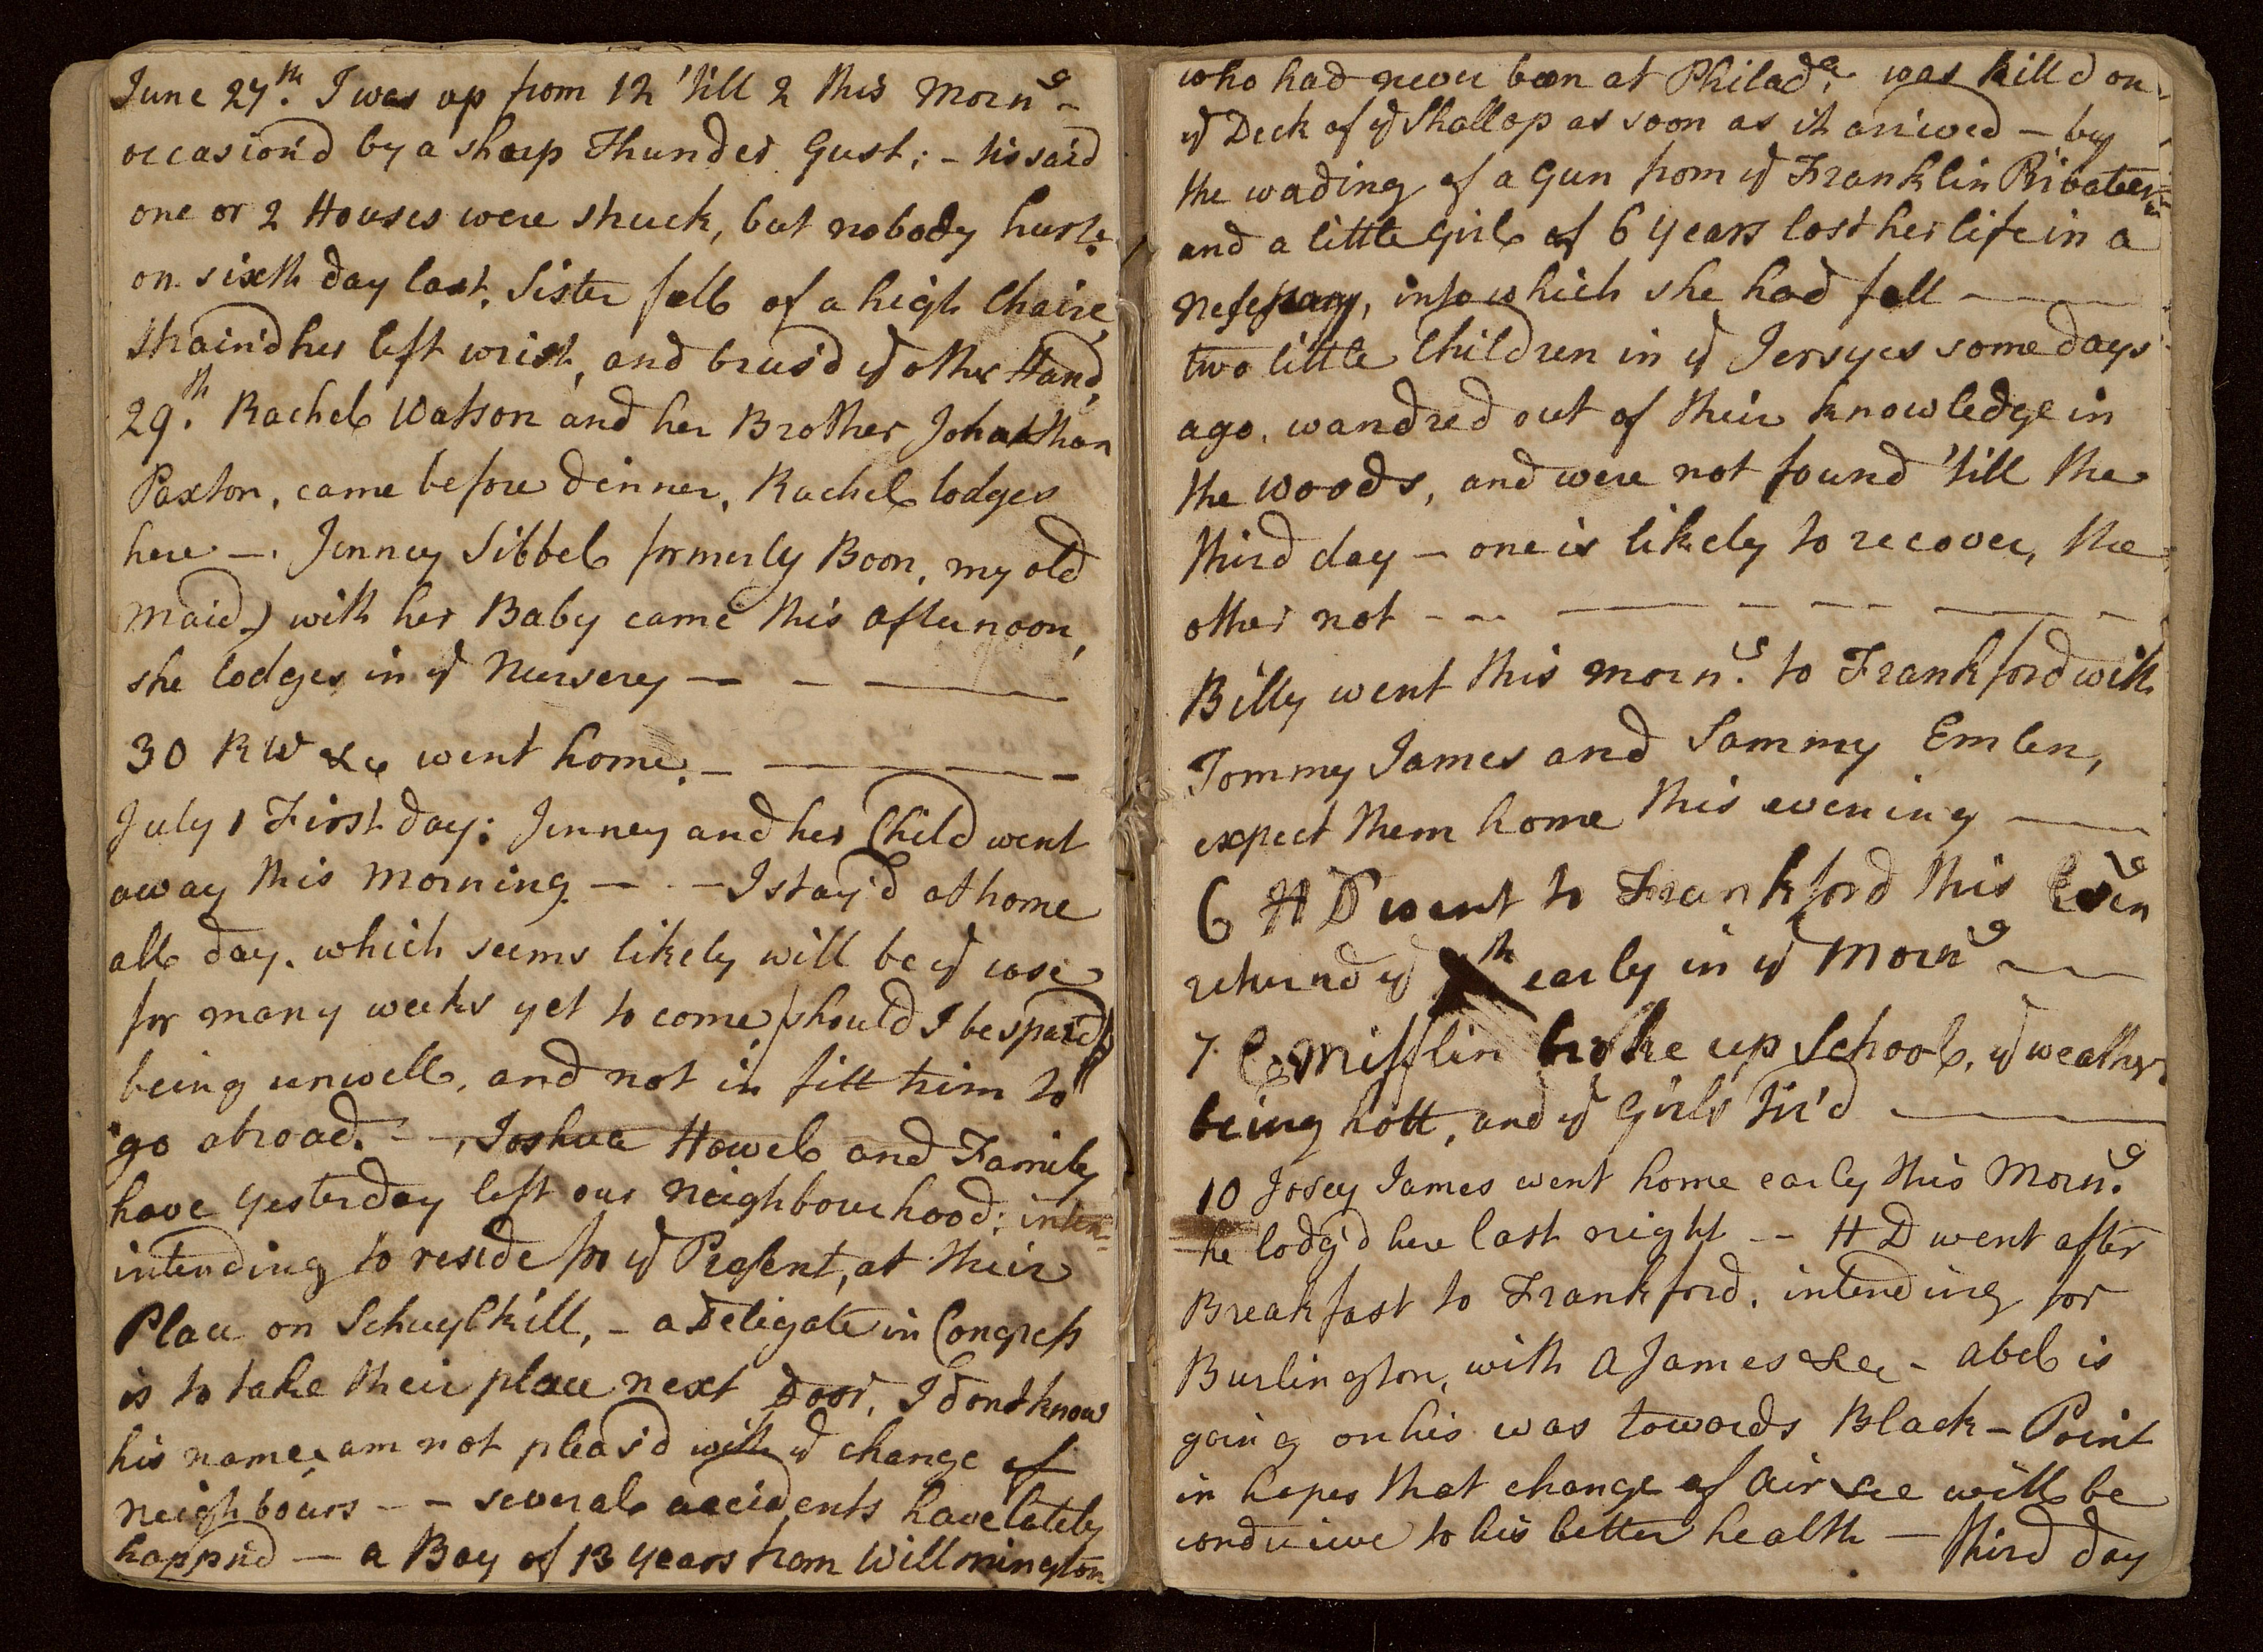June 24^th. I was up from 12 till 2 this morn^g-
occasion'd by a sharp Thunder Gust;- tis said
one or 2 Houses were struck, but nobody hurt:
on sixth day last, Sister fell of a high Chaire
strain'd her left wrist and brus'd y^e other Hand,
29^th Rachel Watson and her Brother, Johathan
Paxton, came before dinner, Rachel lodges
here- Jenney Sibbel formerly Boon, my old
maid, with her Baby came this afternoon,
she lodges in y^e Nursery---
30 RW &c went home,--
July 1 First day: Jenney and her Child went
away this morning-.- I stay'd at home
all day. which seems likely will be y^e case
for many weeks yet to come /should I be spar'd/
being unwell, and not in fitt trim to
go abroad.- Joshua Howel and Family
have yesterday left our neighbourhood: into
intending to reside for y^e Present, at their
Place on Schuylkill,- a Delegate in Congress
is to take their place next Door, I dont know
his name- am not pleas'd with y^e change of
neighbours-- several accidents have lately
happn'd- a Boy of 13 years from Willmington
who had never been at Philad^a. was killd on
y^e Deck of y^e Shallop as soon as it arrived- by
the wading of a Gun from y^e Franklin Privateer
and a little girl of 6 years lost her life in a
Nesessary, into which she had fall-
two little Children in y^e Jersyes some days
ago, wandred out of their knowledge in
the Woods, and were not found 'till the
third day- one is likely to recover, the
other not--
Billy went this morn^g. to Frankford with
Tommy James and Sammy Emlen,
expect them home this evening-
6 HD went to Frankford this Even^g
returnd y^e [7]^th early in y^e Morn^g--
7 C. Mifflin broke up School, y^e weathr
being hott, and y^e Girls tir'd-
10 Josey James went home early this Morn^g.
he lodg'd here last night-- HD went after
Breakfast to Frankford, intending for
Burlington, with A James &c- Abel is
going on his was towards Black-Point
in hopes that change of Air &c will be
conducive to his better health- third day